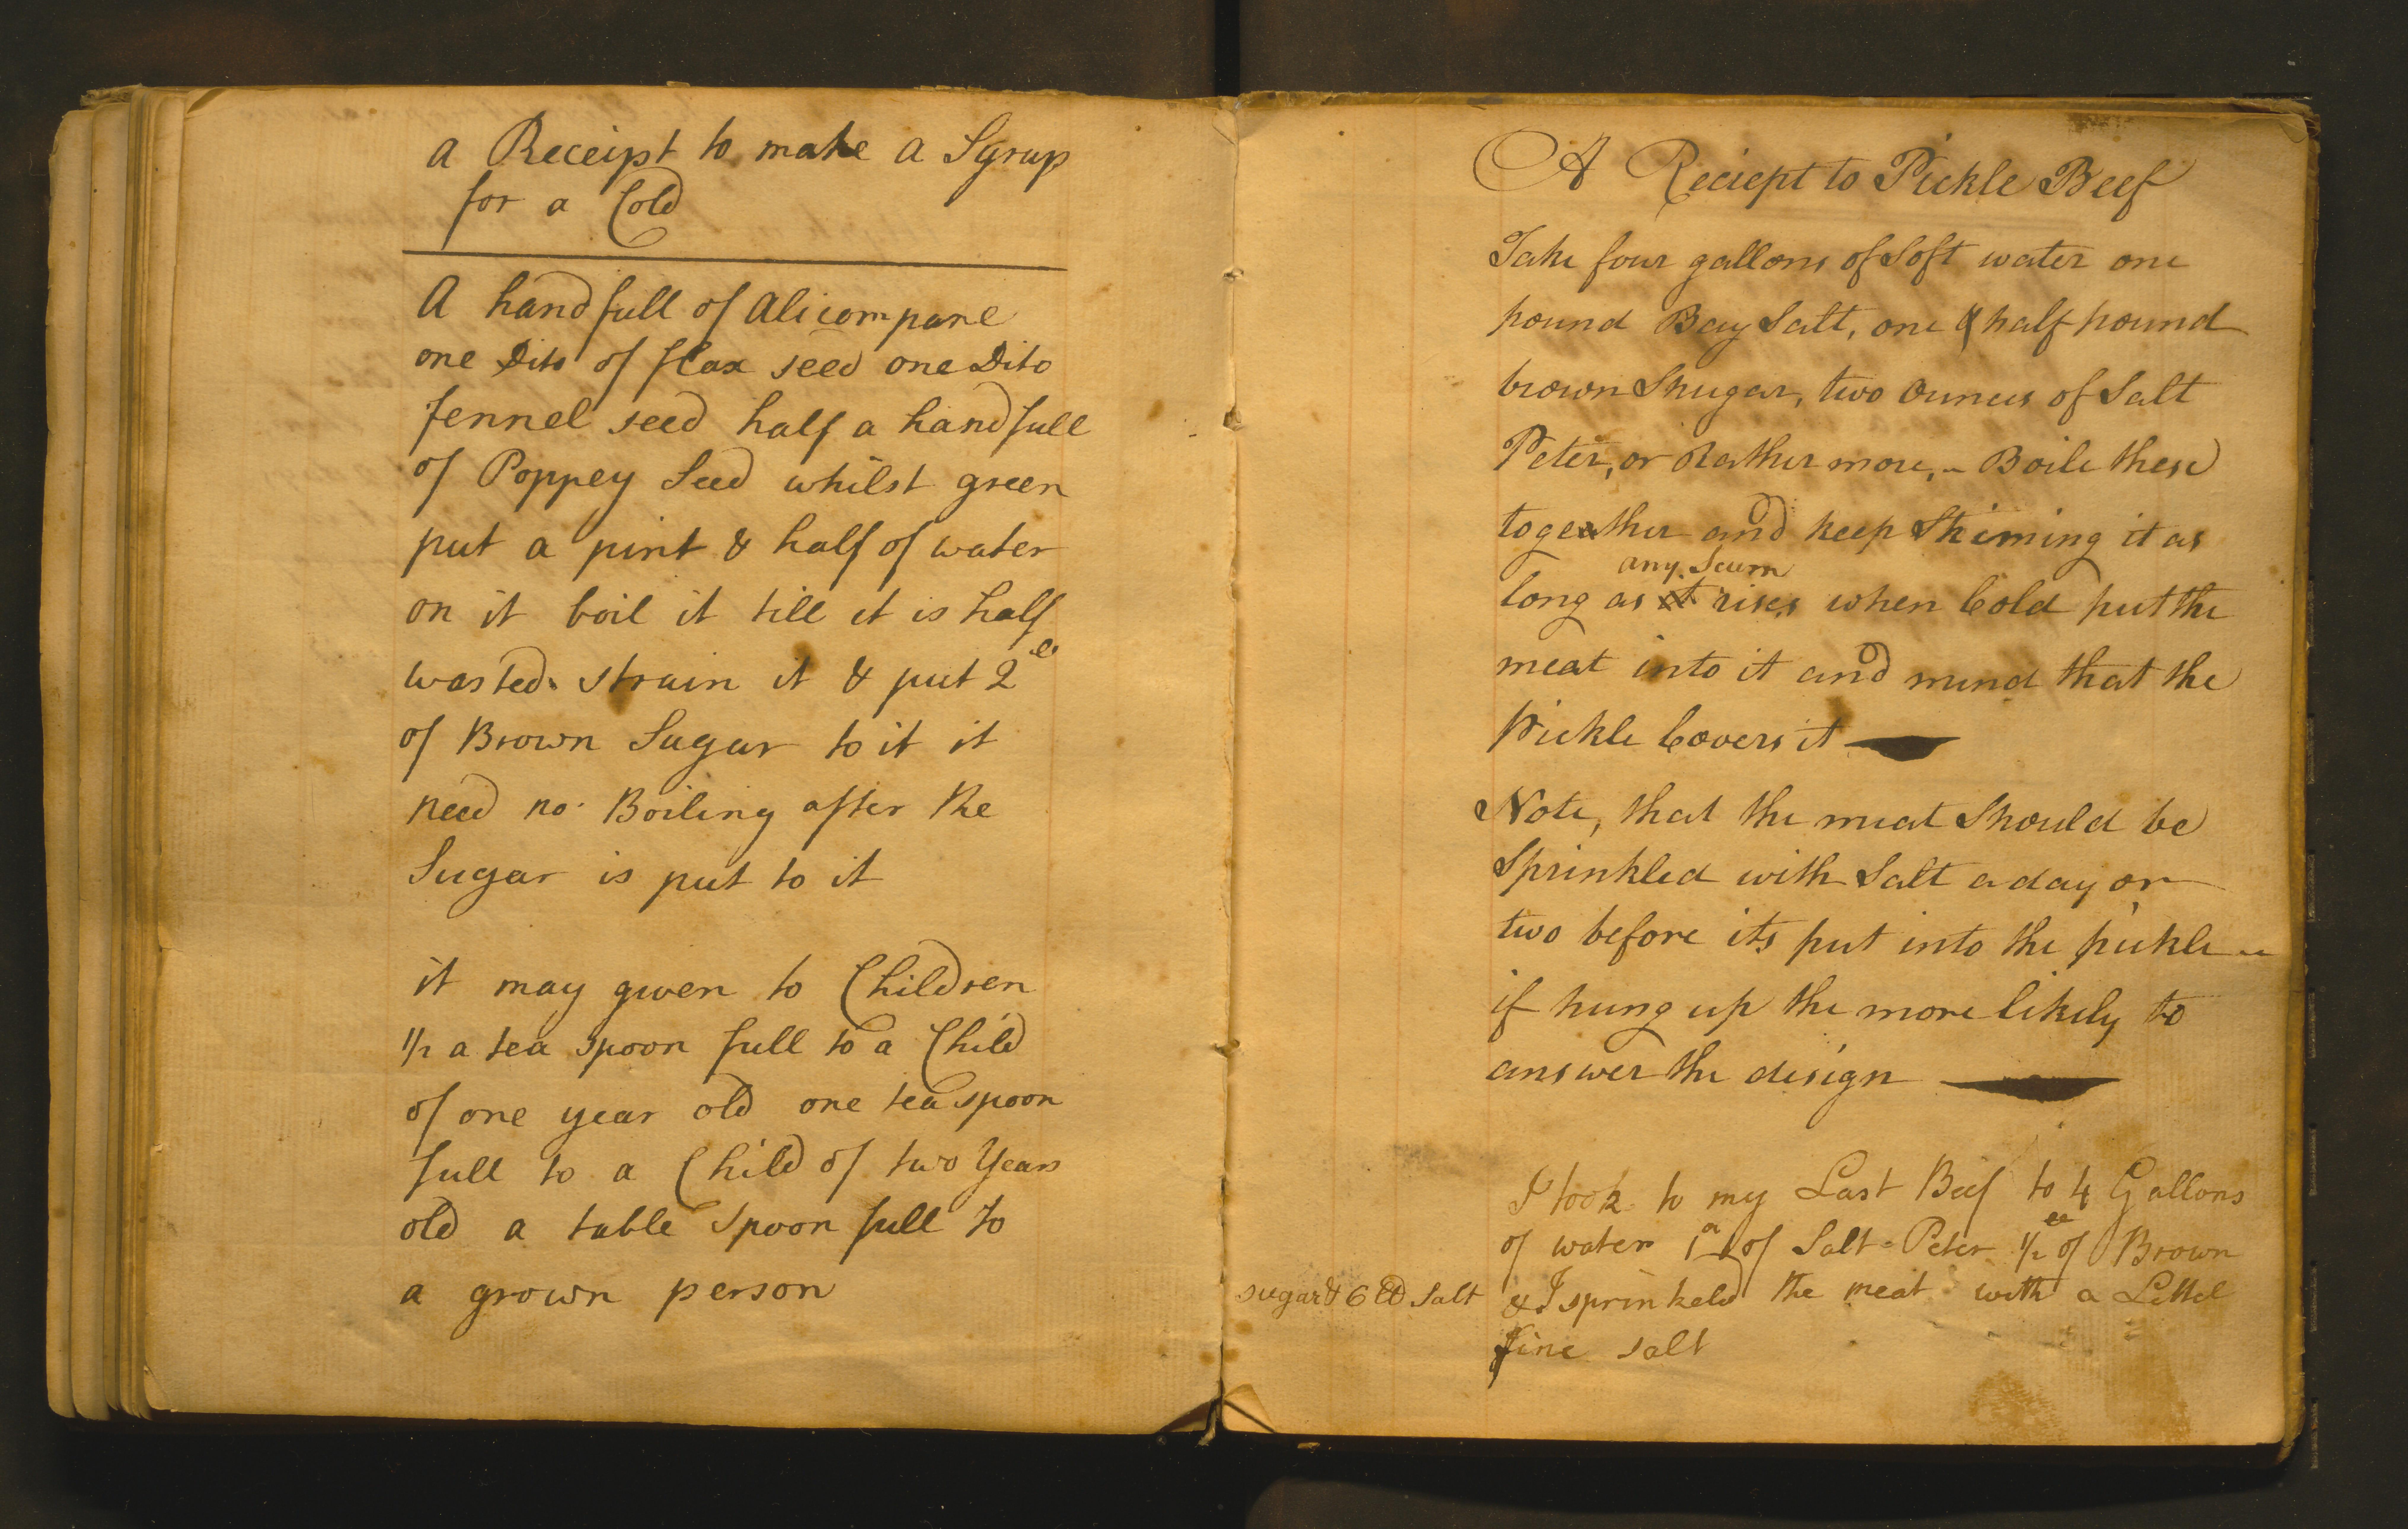a Receipt to make a Syrup
for a Cold
A handfull of Alicompane
one Dito of flax seed one Dito
fennel seed half a handfull
of Poppey seed whilst green
put a pint & half of water
on it boil it till it is half
wasted strain it & put 2 ^lb
of Brown sugar to it it
need no Boiling after the
Sugar is put to it
it may given to Children
1/2 a tea spoon full to a Child
of one year old one tea spoon
full to a Child of two years
old a table spoon full to
a grown person
A Reciept to Pickle Beef
Take four gallons of soft water one
pound Bay Salt, one & half pound
brown Shugar, two ounces of Salt
Peter, or Rather more,- Boill these
togethre and keep skiming it as
any scum
long as [__] rises when Cold put the
meat into it and mind that the
pickle Covers it
Note, that the meat should be
sprinkled with salt a day or
two before its put into the pickle-
if hung up the more likely to
answer the design
I took my Last Beef to 4 Gallons
if water 1 ^oz of Salt Peter 1/2 ^lb of Brown
sugar & 6 lb salt & I sprinkled the meat with a Littel
fine salt